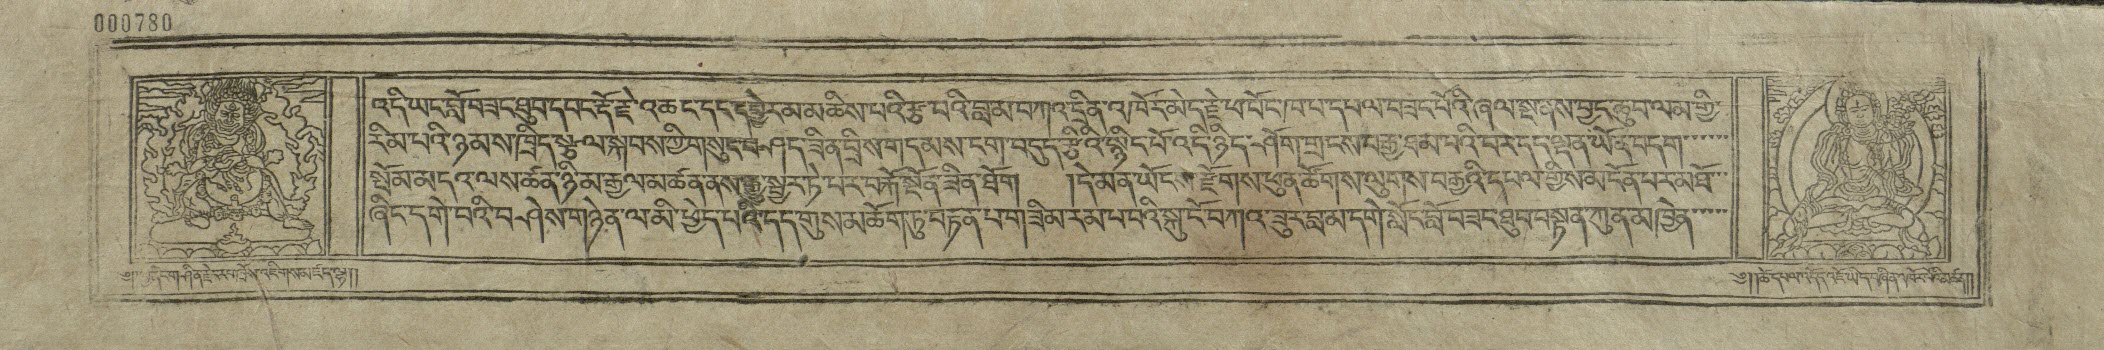་འདི་ཡང་བློ་བཟང་ཐུབ་དབང་རྡོ་རྗེ་འཆང་དང་དབྱེར་མ་མཆིས་པའི་རྩ་བའི་བླ་མ་བཀའ་དྲིན་འཁོར་མེད་རྗེ་ཕ་བོང་ཁ་པ་དཔལ་བཟང་པོའི་ཞལ་སྔ་ནས་བྱང་ཆུབ་ལམ་གྱི་
་རིམ་པའི་ཉམས་ཁྲིད་སྩལ་སྐབས་ཀྱི་གསུང་བཤད་ཟིན་བྲིས་གདམས་ངག་བདུད་རྩིའི་སྙིང་པོ་འདི་ཉིད་ཤོག་གྲངས་བརྒྱ་ཐམ་པའི་བར་དད་ལྡན་ཡོན་བདག་
སྤོམ་མདའ་ལས་ཚན་ཉི་མ་རྒྱལ་མཚན་ནས་རྒྱུ་སྦྱར་ཏེ་པར་བརྐོ་སྔོན་ཟིན་ཐོག །དེ་མན་ཡོངས་རྫོགས་ཕུན་ཚོགས་ལུགས་བརྒྱའི་དཔལ་གྱིས་མངོན་པར་མཐོ་
ཞིང་དགེ་བའི་བཤེས་གཉེན་ལ་མི་ཕྱེད་པའི་དད་གུས་མཆོག་ཏུ་བརྟན་པ་གཟིམ་རམ་པ་བའི་སྐུ་ངོ་བཀའ་ཟུར་བླ་མ་དགེ་སློང་བློ་བཟང་ཐུབ་བསྟན་ཀུན་མཁྱེན་